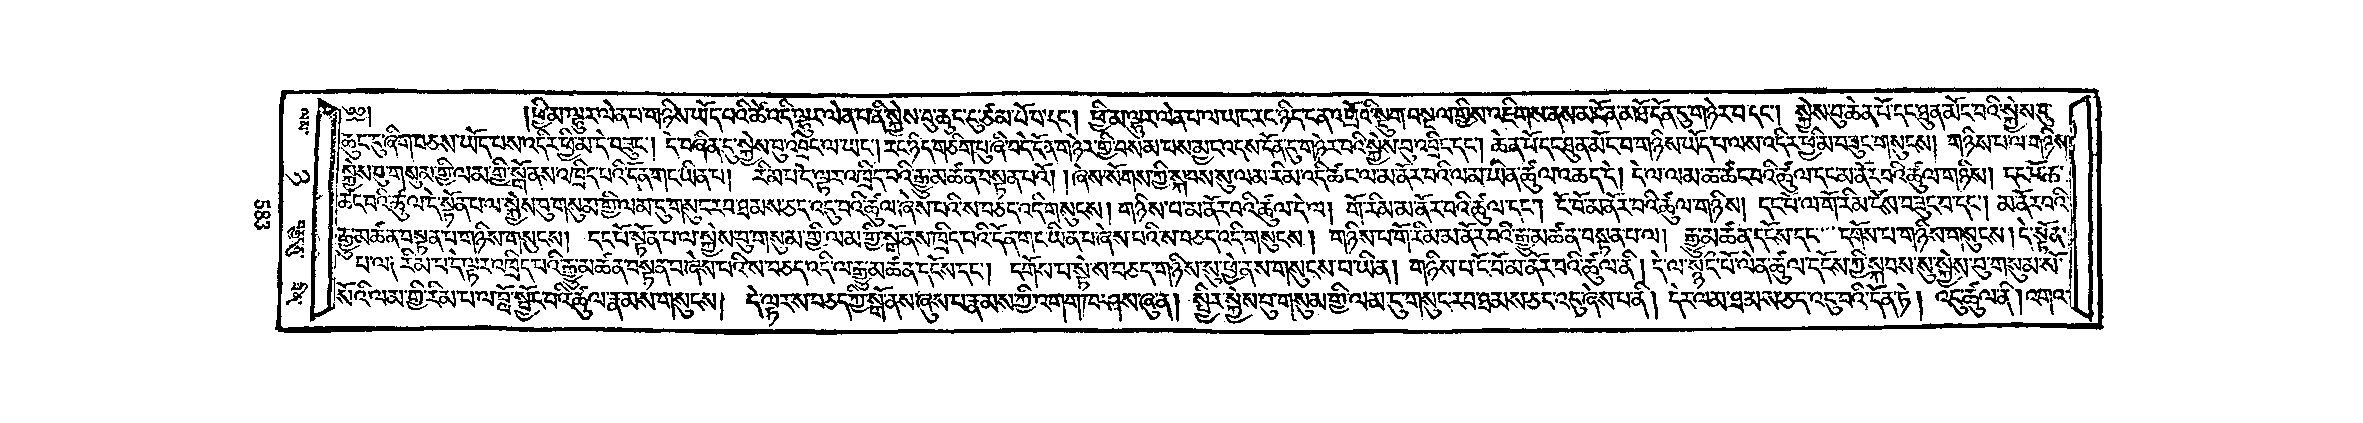༄༅། །ཕྱི་མ་ལྷུར་ལེན་པ་གཉིས་ཡོད་པའི་ཚེ་འདི་ལྷུར་ལེན་པ་ནི་སྐྱེས་བུ་ཆུང་ངུ་ཙམ་པོ་བ་དང་། ཕྱི་མ་ལྷུར་ལེན་པ་ལ་ཡང་རང་ཉིད་ངན་འགྲོའི་སྡུག་བསྔལ་གྱིས་འཇིགས་ནས་མངོན་མཐོ་དོན་དུ་གཉེར་བ་དང་། སྐྱེས་བུ་ཆེན་པོ་དང་ཐུན་མོང་བའི་སྐྱེས་བུ་
ཆུང་ངུ་ཞིག་བཅས་ཡོད་པས་འདིར་ཕྱི་མ་དེ་བཟུང་། དེ་བཞིན་དུ་སྐྱེས་བུ་འབྲིང་ལ་ཡང་། རང་ཉིད་གཅིག་པུ་ཞི་བདེ་དོན་གཉེར་གྱི་བསམ་པས་མྱང་འདས་དོན་དུ་གཉེར་བའི་སྐྱེས་བུ་འབྲིང་དང་། ཆེན་པོ་དང་ཐུན་མོང་བ་གཉིས་ཡོད་པ་ལས་འདིར་ཕྱི་མ་བཟུང་གསུངས། གཉིས་པ་ལ་གཉིས་
སྐྱེས་བུ་གསུམ་གྱི་ལམ་གྱི་སྒོ་ནས་འཁྲིད་པའི་དོན་གང་ཡིན་པ། རིམ་པ་དེ་ལྟར་འཁྲིད་པའི་རྒྱུ་མཚན་བསྟན་པའོ། །ཞེས་སོགས་ཀྱི་སྐབས་སུ་ལམ་རིམ་འདི་ཚང་ལ་མ་ནོར་བའི་ལམ་ཡིན་ཚུལ་འཆད་དེ། དེ་ལ་ལམ་ཆ་ཚང་བའི་ཚུལ་དང་མ་ནོར་བའི་ཚུལ་གཉིས། དང་པོ་ཆ་
ཚང་བའི་ཚུལ་དེ་སྟོན་པ་ལ་སྐྱེས་བུ་གསུམ་གྱི་ལམ་དུ་གསུང་རབ་ཐམས་ཅད་འདུ་བའི་ཚུལ་ཞེས་པའི་ས་བཅད་འདི་གསུངས། གཉིས་པ་མ་ནོར་བའི་ཚུལ་དེ་ལ། གོ་རིམ་མ་ནོར་བའི་ཚུལ་དང་། ངོ་བོ་མ་ནོར་བའི་ཚུལ་གཉིས། དང་པོ་ལ་གོ་རིམ་ངོས་བཟུང་བ་དང་། མ་ནོར་བའི་
རྒྱུ་མཚན་བསྟན་པ་གཉིས་གསུངས། དང་པོ་སྟོན་པ་ལ་སྐྱེས་བུ་གསུམ་གྱི་ལམ་གྱི་སྒོ་ནས་ཁྲིད་པའི་དོན་གང་ཡིན་པ་ཞེས་པའི་ས་བཅད་འདི་གསུངས། གཉིས་པ་གོ་རིམ་མ་ནོར་བའི་རྒྱུ་མཚན་བསྟན་པ་ལ། རྒྱུ་མཚན་དངོས་དང་དགོས་པ་གཉིས་གསུངས། དེ་སྟོན་
པ་ལ། རིམ་པ་དེ་ལྟར་འཁྲིད་པའི་རྒྱུ་མཚན་བསྟན་པ་ཞེས་པའི་ས་བཅད་འདི་ལ་རྒྱུ་མཚན་དངོས་དང་། དགོས་པ་སྟེ་ས་བཅད་གཉིས་སུ་ཕྱེ་ནས་གསུངས་པ་ཡིན། གཉིས་པ་ངོ་བོ་མ་ནོར་བའི་ཚུལ་ནི། དེ་ལ་སྙིང་པོ་ལེན་ཚུལ་དངོས་ཀྱི་སྐབས་སུ་སྐྱེས་བུ་གསུམ་སོ་
སོའི་ལམ་གྱི་རིམ་པ་ལ་བློ་སྦྱོང་བའི་ཚུལ་རྣམས་གསུངས། དེ་ལྟར་ས་བཅད་ཀྱི་སྒོ་ནས་ཞུས་པ་རྣམས་ཀྱི་འགག་ཁ་ཤས་ཞུ་ན། སྤྱིར་སྐྱེས་བུ་གསུམ་གྱི་ལམ་དུ་གསུང་རབ་ཐམས་ཅད་འདུ་ཞེས་པ་ནི། དེར་ལམ་ཐམས་ཅད་འདུ་བའི་དོན་ཏེ། འདུ་ཚུལ་ནི། འགའ་